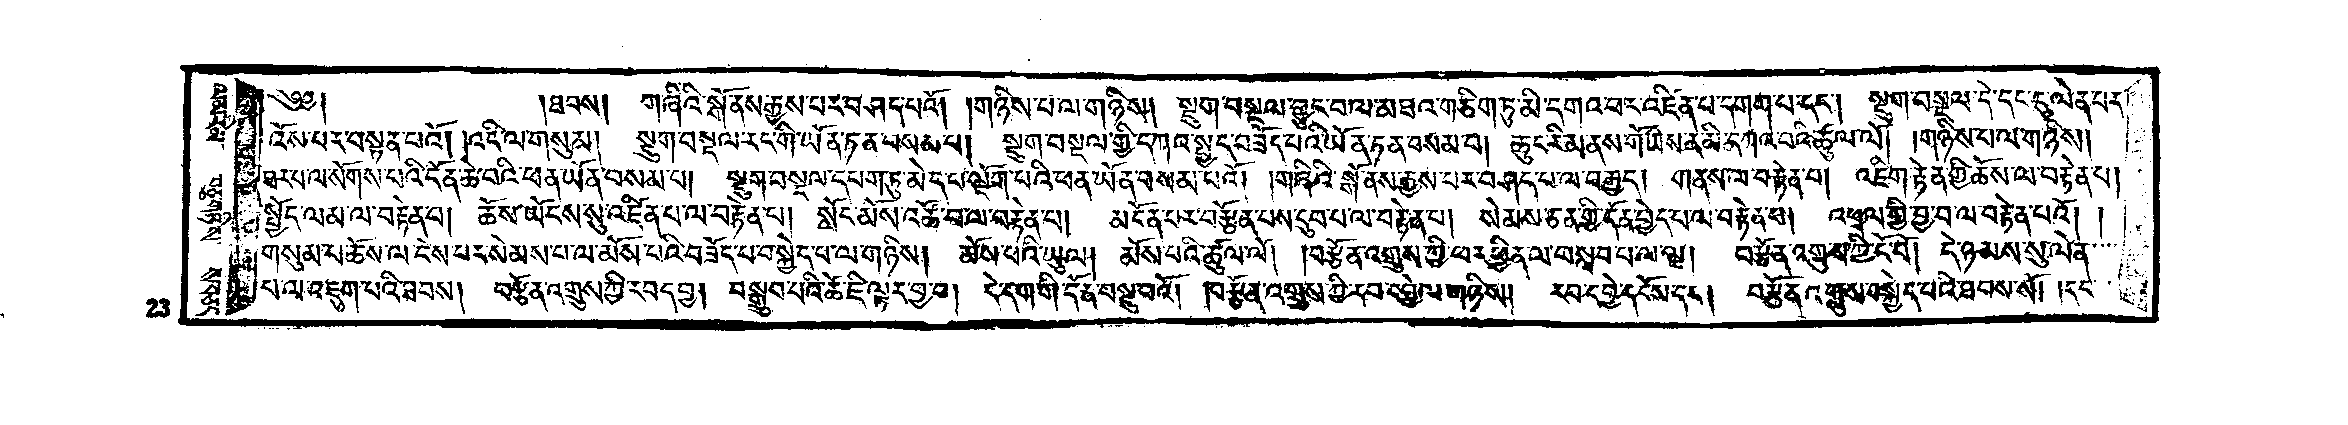༄༅། །ཐབས། གཞིའི་སྒོ་ནས་རྒྱས་པར་བཤད་པའོ། །གཉིས་པ་ལ་གཉིས། སྡུག་བསྔལ་བྱུང་བ་ལ་མཐའ་གཅིག་ཏུ་མི་དགའ་བར་འཛིན་པ་དགག་པ་དང་། སྡུག་བསྔལ་དེ་དང་དུ་ལེན་པར་
འོས་པར་བསྟན་པའོ། །འདི་ལ་གསུམ། སྡུག་བསྔལ་རང་གི་ཡོན་ཏན་བསམ་པ། སྡུག་བསྔལ་གྱི་དཀའ་སྤྱད་བཟོད་པའི་ཡོན་ཏན་བསམ་པ། ཆུང་རིམ་ནས་གོམས་ན་མི་དཀའ་བའི་ཚུལ་ལོ། །གཉིས་པ་ལ་གཉིས།
ཐར་པ་ལ་སོགས་པའི་དོན་ཆེ་བའི་ཕན་ཡོན་བསམ་པ། སྡུག་བསྔལ་དཔག་ཏུ་མེད་པ་ལྡོག་པའི་ཕན་ཡོན་བསམ་པའོ། །གཞིའི་སྒོ་ནས་རྒྱས་པར་བཤད་པ་ལ་བརྒྱད། གནས་ལ་བརྟེན་པ། འཇིག་རྟེན་གྱི་ཆོས་ལ་བརྟེན་པ།
སྤྱོད་ལམ་ལ་བརྟེན་པ། ཆོས་ཡོངས་སུ་འཛིན་པ་ལ་བརྟེན་པ། སློང་མོས་འཚོ་བ་ལ་བརྟེན་པ། མངོན་པར་བརྩོན་པས་དུབ་པ་ལ་བརྟེན་པ། སེམས་ཅན་གྱི་དོན་བྱེད་པ་ལ་བརྟེན་པ། འཕྲལ་གྱི་བྱ་བ་ལ་བརྟེན་པའོ། །
གསུམ་པ་ཆོས་ལ་ངེས་པར་སེམས་པ་ལ་མོས་པའི་བཟོད་པ་བསྐྱེད་པ་ལ་གཉིས། མོས་པའི་ཡུལ། མོས་པའི་ཚུལ་ལོ། །བརྩོན་འགྲུས་ཀྱི་ཕར་ཕྱིན་ལ་བསླབ་པ་ལ་ལྔ། བརྩོན་འགྲུས་ཀྱི་ངོ་བོ། དེ་ཉམས་སུ་ལེན་
པ་ལ་འཇུག་པའི་ཐབས། བརྩོན་འགྲུས་ཀྱི་རབ་དབྱེ། བསྒྲུབ་པའི་ཚེ་ཇི་ལྟར་བྱ་བ། དེ་དག་གི་དོན་བསྡུ་བའོ། །བརྩོན་འགྲུས་ཀྱི་རབ་དབྱེ་ལ་གཉིས། རབ་དབྱེ་དངོས་དང་། བརྩོན་འགྲུས་བསྐྱེད་པའི་ཐབས་སོ། །དང་